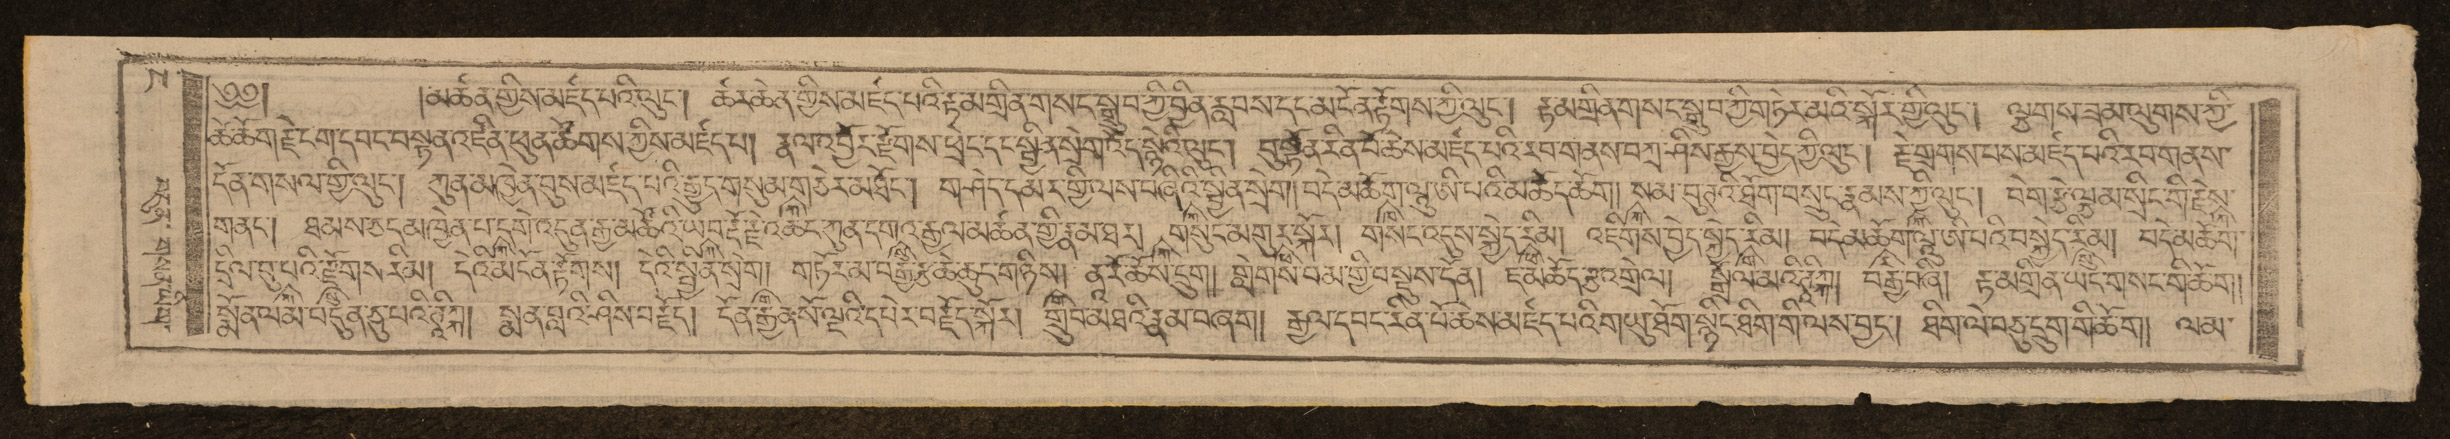༄༅། །མཚན་གྱིས་མཛད་པའི་ལུང་། ཚར་ཆེན་གྱིས་མཛད་པའི་རྟ་མགྲིན་གསང་སྒྲུབ་ཀྱི་བྱིན་རླབས་དང་མངོན་རྟོགས་ཀྱི་ལུང་། རྟ་མགྲིན་གསང་སྒྲུབ་ཀྱི་གཏེར་མའི་སྐོར་གྱི་ལུང་། ལྕགས་ཟམ་ལུགས་ཀྱི་
ཚེ་ཆོག་རྗེ་ངག་དབང་བསྟན་འཛིན་ཕུན་ཚོགས་ཀྱིས་མཛད་པ། རྣལ་འབྱོར་རྫོགས་ཕྲེང་དང་སྦྱིན་སྲེག་འོད་སྙེའི་ལུང་། བུ་སྟོན་རིན་པོ་ཆེས་མཛད་པའི་རབ་གནས་བཀྲ་ཤིས་རྒྱས་བྱེད་ཀྱི་ལུང་། རྗེ་གྲགས་པས་མཛད་པའི་རབ་གནས་
དོན་གསལ་གྱི་ལུང་། ཀུན་མཁྱེན་བུས་མཛད་པའི་རྒྱུད་གསུམ་གཅེར་མཐོང་། གཤེད་དམར་གྱི་ལས་བཞིའི་སྦྱིན་སྲེག། །བདེ་མཆོག་ལཱུ་ཨི་པའི་མཆོད་ཆོག། སམ་བུ་ཊའི་ཐོག་བསྲུང་རྣམས་ཀྱི་ལུང་། བེག་རྩེ་ལྕམ་སྲིང་གི་རྗེས་
གནང་། ཐམས་ཅད་མཁྱེན་པ་དགེ་འདུན་རྒྱ་མཚོའི་ཡབ་རྡོ་རྗེ་འཆང་ཀུན་དགའ་རྒྱལ་མཚན་གྱི་རྣམ་ཐར། གསུང་མགུར་སྐོར། གསང་འདུས་སྐྱེད་རིམ། འཇིགས་བྱེད་སྐྱེད་རིམ། བདེ་མཆོག་ལཱུ་ཨི་པའི་བསྐྱེད་རིམ། བདེ་མཆོག་
དྲིལ་བུ་བའི་རྫོགས་རིམ། དེའི་མངོན་རྟོགས། དེའི་སྦྱིན་སྲེག། གཏོར་མ་བརྒྱ་རྩ་ཆེ་ཆུང་གཉིས། ནཱ་རོ་ཆོས་དྲུག། གླེགས་བམ་གྱི་བསྡུས་དོན། ཇ་མཆོད་རྩ་འགྲེལ། སྒྲོལ་མའི་ཊཱིཀྐ། བརྒྱ་བཞི། རྟ་མགྲིན་ཡང་གསང་གི་ཆོ་ག།
སྨོན་ལམ་བདུན་ཅུ་པའི་ཊཱིཀྐ། སྨན་བླའི་ཤིས་བརྗོད། དོན་རྒྱན་སོ་ལྔའི་དཔེར་བརྗོད་སྐོར། གྲུབ་མཐའི་རྣམ་བཞག། རྒྱལ་དབང་རིན་པོ་ཆེས་མཛད་པའི་གཡུ་ཐོག་སྙིང་ཐིག་གི་ལས་བྱད། ཐིག་ལེ་བཅུ་དྲུག་གི་ཆོ་ག། ལམ་